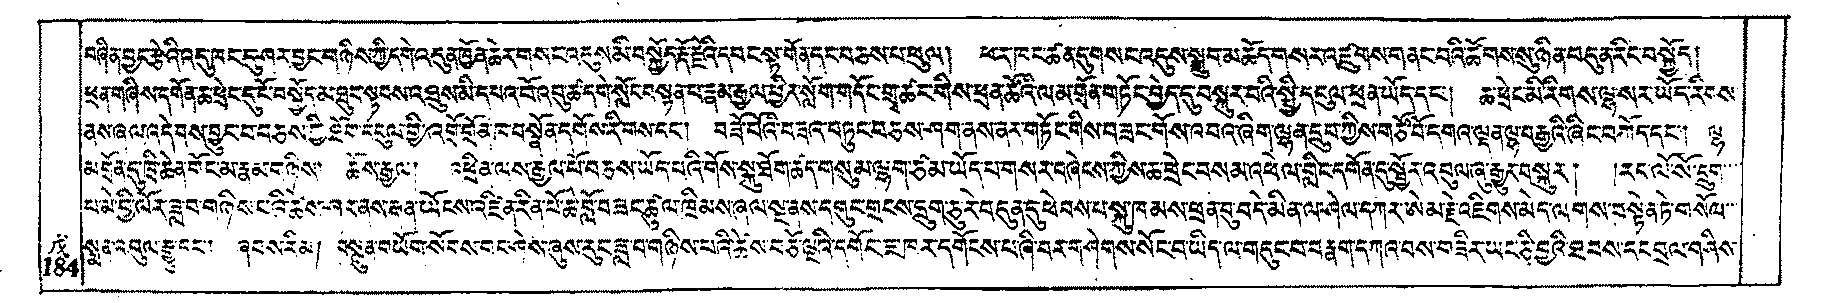བཞིན་བྱང་རྩེའི་འདུ་ཁང་དུ་ཤར་བྱང་གཉིས་ཀྱི་དགེ་འདུན་ཁྱོན་ཆེར་གསང་འདུས་མི་བསྐྱོད་རྡོ་རྗེའི་དབང་སྟ་གོན་དང་བཅས་པ་ཕུལ། ཕ་ར་ཁང་ཚན་དུ་གསང་འདུས་སྒྲུབ་མཆོད་གསར་འཛུགས་གནང་བའི་ཚོགས་སུ་ཉིན་བདུན་རིང་བསྐྱོད།
ཕྲན་གཞིས་དགོན་ཆ་ཕྲེང་དུ་ངོ་བསྐྱོད་མ་ཐུབ་སྟབས་འཐུས་མི་དཔའ་བོ་འབུ་ཚ་དགེ་སློང་བསྟན་པ་རྣམ་རྒྱལ་ཕྱིར་སློག་གདོང་གྲྭ་ཚང་གིས་ཕྲན་ཚོའི་ལམ་གྲོན་གཏོང་བྱེད་དུ་བསྐུར་བའི་སྤྱི་དངུལ་ཕྲན་ཡོད་དང་། ཆ་ཕྲེང་མི་རིགས་ལྷ་སར་ཡོད་རིགས་
ནས་ཞལ་འདེབས་བྱུང་བ་བཅས་ཀྱི་ཐོག་དངུལ་གྱི་འགྲོ་གྲོན་ཁ་བསྣོན་དགོས་རིགས་དང་། བཟོ་བོའི་བཟའ་བཏུང་བཅས་ཤག་ནས་ནར་གཏོང་གིས་བཟང་གོས་འབའ་ཞིག་ལྷན་དྲུབ་ཀྱིས་གཙོ་བོ་དགའ་ལྡན་ལྷ་བརྒྱའི་ཞིང་བཀོད་དང་། ལྷ་
མགྲོན་དུ་ཁྲི་ཆེན་གོང་མ་རྣམ་གཉིས། ཆོས་རྒྱལ། འཕྲིན་ལས་རྒྱལ་པོ་བཅས་ཡོད་པའི་གོས་སྐུ་ཐོག་ཚད་གསུམ་ལྷག་ཙམ་ཡོད་པ་གསར་བཞེངས་ཀྱིས་ཆ་ཕྲེང་བསམ་འཕེལ་གླིང་དགོན་དུ་སྦྱོར་འབུལ་ཞུ་རྒྱུར་བསྐུར། །རང་ལོ་སོ་དྲུག་
པ་མེ་བྱི་ལོར་ཟླ་བ་གཉིས་པའི་ཚེས་ཤར་ནས་རྒན་ཡོངས་འཛིན་རིན་པོ་ཆེ་བློ་བཟང་ཚུལ་ཁྲིམས་ཞལ་སྔ་ནས་དགུང་གྲངས་དྲུག་ཅུ་རེ་བདུན་དུ་ཕེབས་པ་སྐུ་ཁམས་ཕྲན་བུ་བདེ་མིན་ལ་ཤེལ་དཀར་ཨེམ་རྗེ་འཇིགས་མེད་ལགས་བསྟེན་ཏེ་གསོལ་
སྨན་འབུལ་རྒྱུ་དང་། ཞབས་རིམ། བསྙུན་གཡོག་སོགས་གང་ཤེས་ཞུས་རུང་ཟླ་བ་གཉིས་པའི་ཚེས་བཅོ་ལྔའི་དགོང་ཇ་ཁར་དགོངས་པ་ཞི་བར་གཤེགས་སོང་བ་ཡིད་ལ་གདུང་བ་བརྣག་དཀའ་བས་གཟིར་ཡང་ཅི་བྱའི་ཐབས་དང་བྲལ་གཤིས་